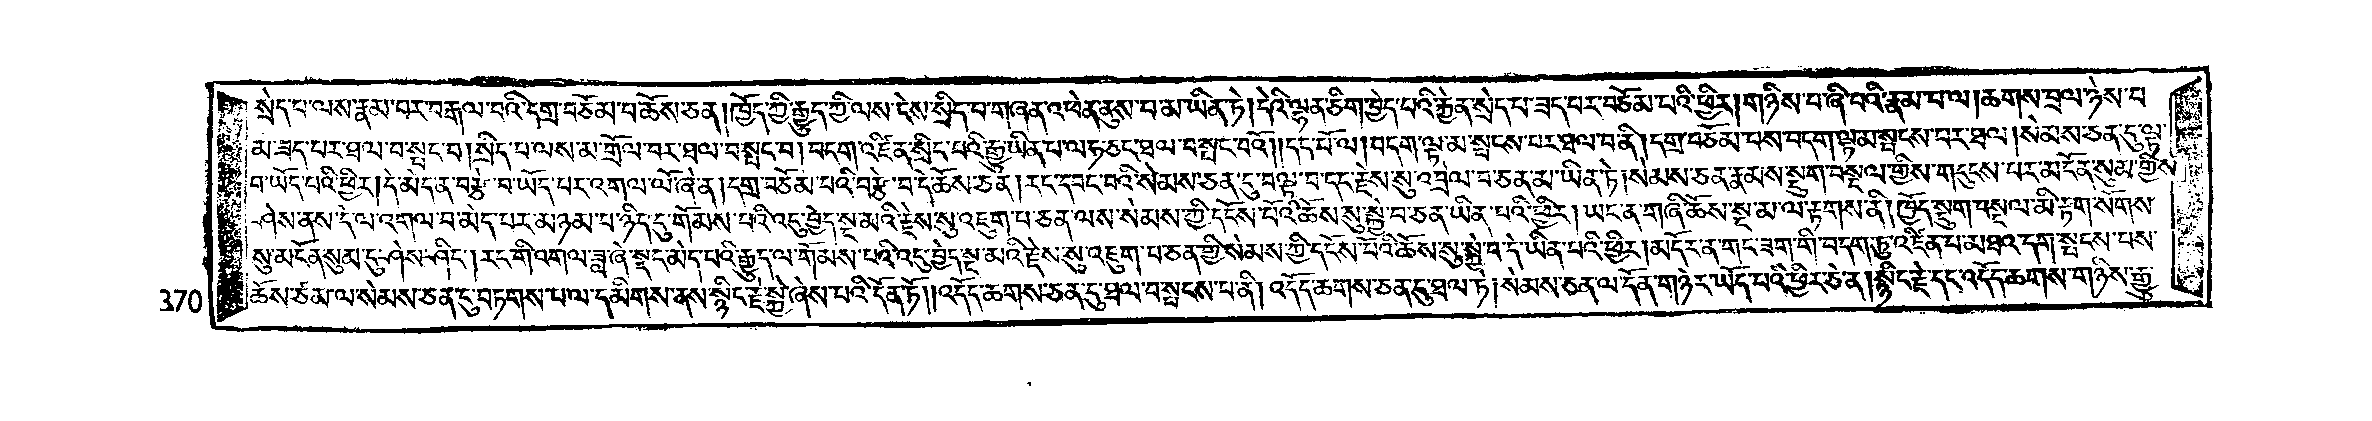སྲེད་པ་ལས་རྣམ་པར་བརྒལ་བའི་དགྲ་བཅོམ་པ་ཆོས་ཅན། ཁྱོད་ཀྱི་རྒྱུད་ཀྱི་ལས་ངེས་སྲིད་པ་གཞན་འཕེན་ནུས་པ་མ་ཡིན་ཏེ། དེའི་ལྷན་ཅིག་བྱེད་པའི་རྐྱེན་སྲེད་པ་ཟད་པར་བཅོམ་པའི་ཕྱིར། གཉིས་པ་ཞི་བའི་རྣམ་པ་ལ། ཆགས་བྲལ་ཉེས་པ་
མ་ཟད་པར་ཐལ་བ་སྤང་བ། སྲིད་པ་ལས་མ་གྲོལ་བར་ཐལ་བ་སྤང་བ། བདག་འཛིན་སྲིད་པའི་རྒྱུ་ཡིན་པ་ལ་ཧ་ཅང་ཐལ་བ་སྤང་བའོ། །དང་པོ་ལ། བདག་ལྟ་མ་སྤངས་པར་ཐལ་བ་ནི། དགྲ་བཅོམ་པས་བདག་ལྟ་མ་སྤངས་པར་ཐལ། སེམས་ཅན་དུ་ལྟ་
བ་ཡོད་པའི་ཕྱིར། དེ་མེད་ན་བརྩེ་བ་ཡོད་པར་འགལ་ལོ་ཞེ་ན། དགྲ་བཅོམ་པའི་བརྩེ་བ་དེ་ཆོས་ཅན། རང་དབང་བའི་སེམས་ཅན་དུ་བལྟ་བ་དང་རྗེས་སུ་འབྲེལ་བ་ཅན་མ་ཡིན་ཏེ། སེམས་ཅན་རྣམས་སྡུག་བསྔལ་གྱིས་གདུངས་པར་མངོན་སུམ་གྱིས་
ཤེས་ནས་དེ་ལ་འགལ་བ་མེད་པར་མཉམ་པ་ཉིད་དུ་གོམས་པའི་འདུ་བྱེད་སྔ་མའི་རྗེས་སུ་འཇུག་པ་ཅན་ལས་སེམས་ཀྱི་དངོས་པོའི་ཆོས་སུ་སྐྱེ་བ་ཅན་ཡིན་པའི་ཕྱིར། ཡང་ན་གཞི་ཆོས་སྔ་མ་ལ་རྟགས་ནི། ཁྱོད་སྡུག་བསྔལ་མི་རྟག་སོགས་
སུ་མངོན་སུམ་དུ་ཤེས་ཤིང་། རང་གི་འགལ་ཟླ་ཞེ་སྡང་མེད་པའི་རྒྱུད་ལ་གོམས་པའི་འདུ་བྱེད་སྔ་མའི་རྗེས་སུ་འཇུག་པ་ཅན་གྱི་སེམས་ཀྱི་དངོས་པོའི་ཆོས་སུ་སྐྱེ་བ་དེ་ཡིན་པའི་ཕྱིར། མདོར་ན་གང་ཟག་གི་བདག་ཏུ་འཛིན་པ་མཐའ་དག་སྤངས་པས་
ཆོས་ཙམ་ལ་སེམས་ཅན་དུ་བཏགས་པ་ལ་དམིགས་ནས་སྙིང་རྗེ་སྐྱེ་ཞེས་པའི་དོན་ཏོ། །འདོད་ཆགས་ཅན་དུ་ཐལ་བ་སྤངས་པ་ནི། འདོད་ཆགས་ཅན་དུ་ཐལ་ཏེ། སེམས་ཅན་ལ་དོན་གཉེར་ཡོད་པའི་ཕྱིར་ཅེ་ན། སྙིང་རྗེ་དང་འདོད་ཆགས་གཉིས་རྒྱུ་